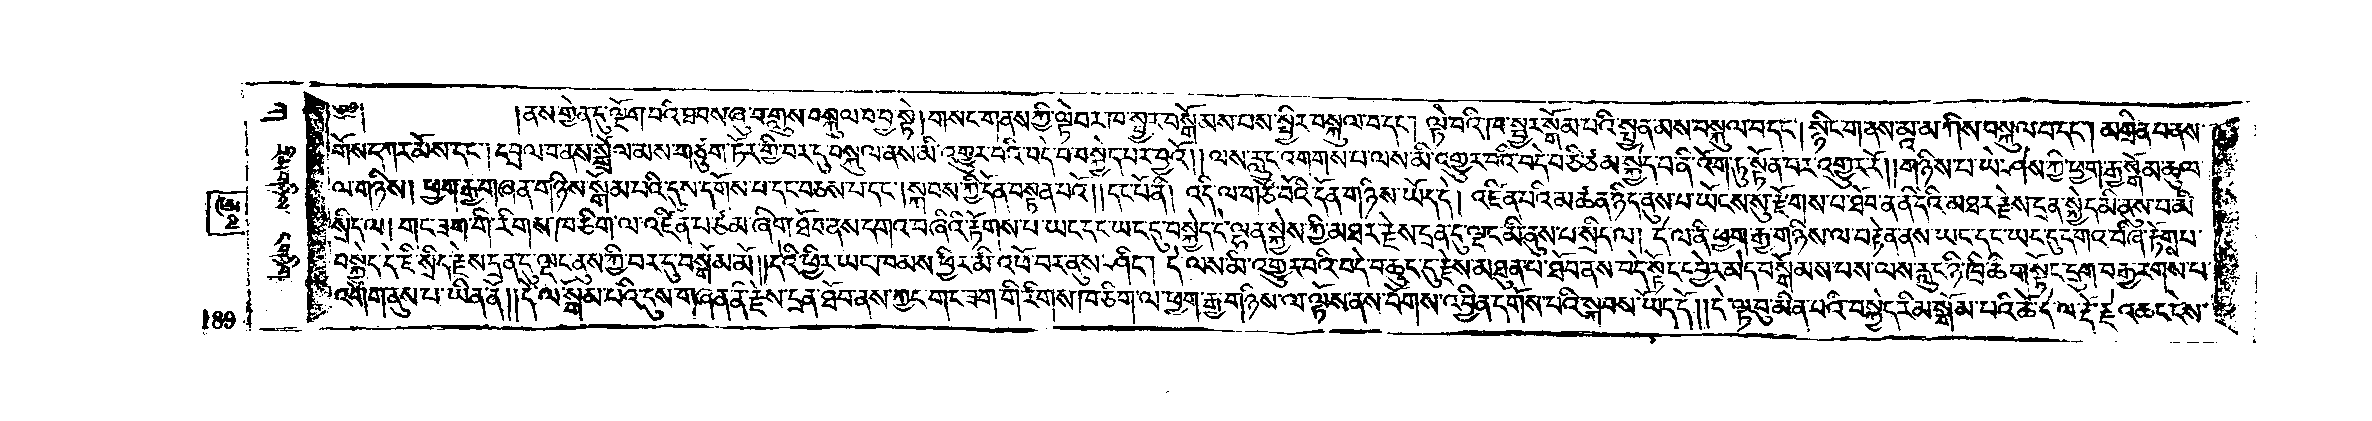༄༅། །ནས་གྱེན་དུ་ལྡོག་པའི་ཐབས་ཞུ་བ་གླུས་བསྐུལ་བ་བྱ་སྟེ། གསང་གནས་ཀྱི་ལྟེ་བར་ཁ་སྦྱར་བསྒོམས་པས་སྤྱིར་བསྐུལ་བ་དང་། ལྟེ་བའི་ཁ་སྦྱར་སྒོམ་པའི་སྤྱན་མས་བསྐུལ་བ་དང་། སྙིང་གནས་མཱ་མ་ཀིས་བསྐུལ་བ་དང་། མགྲིན་པ་ནས་
གོས་དཀར་མོས་དང་། དབྲལ་བ་ནས་སྒྲོལ་མས་གཙུག་ཏོར་གྱི་བར་དུ་བསྐུལ་ནས་མི་འགྱུར་བའི་བདེ་བ་བསྐྱེད་པར་བྱའོ། །ལས་རླུང་འགགས་པ་ལས་མི་འགྱུར་བའི་བདེ་བ་ཅི་ཙམ་སྐྱེད་པ་ནི་འོག་ཏུ་སྟོན་པར་འགྱུར་རོ། །གཉིས་པ་ཡེ་ཤེས་ཀྱི་ཕྱག་རྒྱ་སྒོམ་ཚུལ་
ལ་གཉིས། ཕྱག་རྒྱ་གཞན་གཉིས་སྒོམ་པའི་དུས་དགོས་པ་དང་བཅས་པ་དང་། སྐབས་ཀྱི་དོན་བསྟན་པའོ། །དང་པོ་ནི། འདི་ལ་གཙོ་བོའི་དོན་གཉིས་ཡོད་དེ། འཛིན་པའི་མཚན་ཉིད་ནུས་པ་ཡོངས་སུ་རྫོགས་པ་ཐོབ་ན་ནི་དེའི་མཐར་རྗེས་དྲན་སྐྱེད་མི་ནུས་པ་མི་
སྲིད་ལ། གང་ཟག་གི་རིགས་ཁ་ཅིག་ལ་འཛིན་པ་ཙམ་ཞིག་ཐོབ་ནས་དགའ་བཞིའི་རྟོགས་པ་ཡང་དང་ཡང་དུ་བསྐྱེད་དེ་ལྷན་སྐྱེས་ཀྱི་མཐར་རྗེས་དྲན་དུ་ལྡང་མི་ནུས་པ་སྲིད་ལ། དེ་ལ་ནི་ཕྱག་རྒྱ་གཉིས་ལ་བརྟེན་ནས་ཡང་དང་ཡང་དུ་དགའ་བཞི་རྟོགས་པ་
བསྐྱེད་དེ་ཇི་སྲིད་རྗེས་དྲན་དུ་ལྡང་ནུས་ཀྱི་བར་དུ་བསྒོམ་མོ། །དེའི་ཕྱིར་ཡང་ཁམས་ཕྱིར་མི་འཕོ་བར་ནུས་ཤིང་། དེ་ལས་མི་འགྱུར་བའི་བདེ་བ་ཆུང་ངུ་རྗེས་མཐུན་པ་ཐོབ་ནས་བདེ་སྟོང་དབྱེར་མེད་བསྒོམས་པས་ལས་རླུང་ཉི་ཁྲི་ཆིག་སྟོང་དྲུག་བརྒྱ་རགས་པ་
འགོག་ནུས་པ་ཡིན་ནོ། །དེ་ལ་སྒོམ་པའི་དུས་གཞན་ནི་རྗེས་དྲན་ཐོབ་ནས་ཀྱང་གང་ཟག་གི་རིགས་ཁ་ཅིག་ལ་ཕྱག་རྒྱ་གཉིས་ལ་ལྟོས་ནས་བོགས་འབྱིན་དགོས་པའི་སྐབས་ཡོད་དོ། །དེ་ལྟ་བུ་མིན་པའི་བསྐྱེད་རིམ་སྒོམ་པའི་ཚེ་དེ་ལ་རྡོ་རྗེ་འཆང་ངེས་